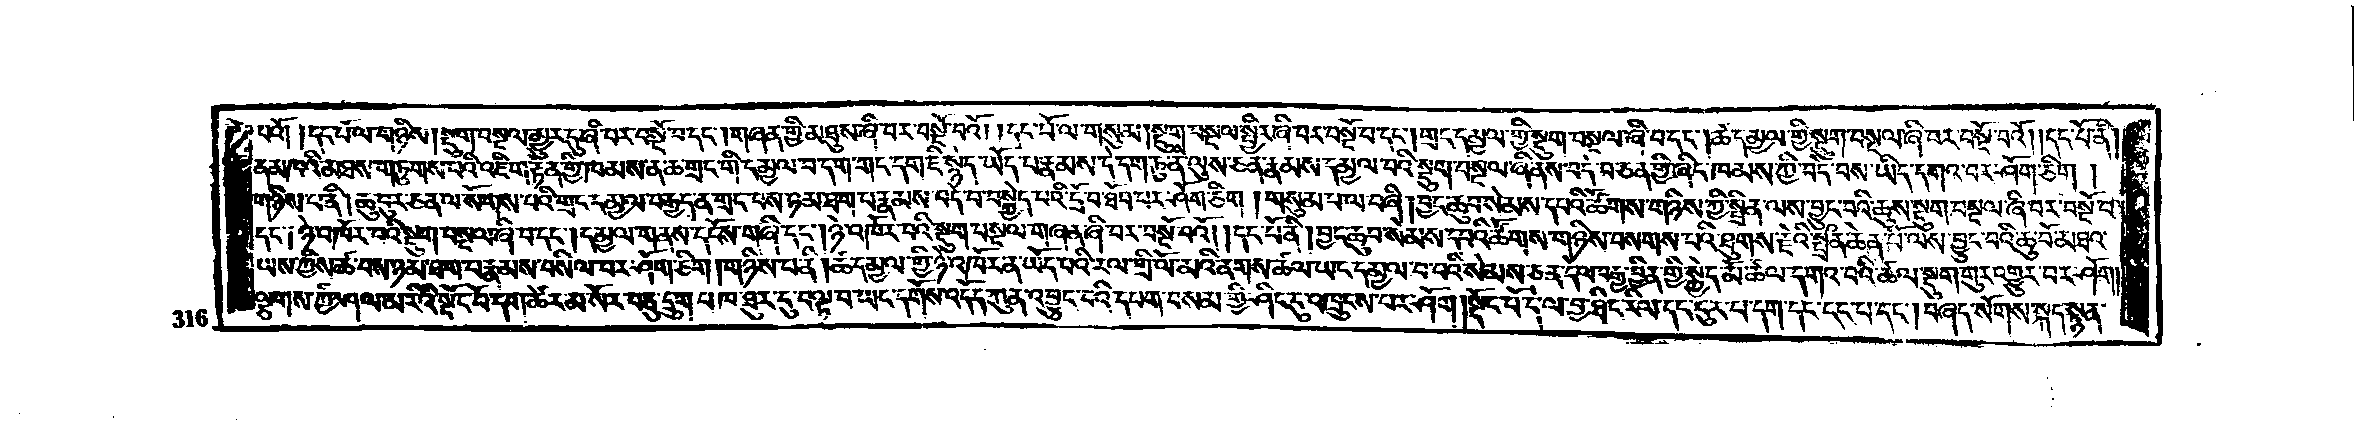པའོ༑ ༑དང་པོ་ལ་གཉིས། སྡུག་བསྔལ་མྱུར་དུ་ཞི་བར་བསྔོ་བ་དང་། གཞན་གྱི་མཐུས་ཞི་བར་བསྔོ་བའོ། །དང་པོ་ལ་གསུམ། སྡུག་བསྔལ་སྤྱིར་ཞི་བར་བསྔོ་བ་དང་། དྲང་དམྱལ་གྱི་སྡུག་བསྔལ་ཞི་བ་དང་། ཚ་དམྱལ་གྱི་སྡུག་བསྔལ་ཞི་བར་བསྔོ་བའོ། །དང་པོ་ནི།
ནམ་མཁའི་མཐས་གཏུགས་པའི་འཇིག་རྟེན་གྱི་ཁམས་ན་ཚ་གྲང་གི་དམྱལ་བ་དག་གང་དག་ཇི་སྙེད་ཡོད་པ་རྣམས་དེ་དག་ཏུ་ནི་ལུས་ཅན་རྣམས་དམྱལ་བའི་སྡུག་བསྔལ་ཞི་ནས་བདེ་བ་ཅན་གྱི་ཞིང་ཁམས་ཀྱི་བདེ་བས་ཡིད་དགའ་བར་ཤོག་ཅིག །
གཉིས་པ་ནི། ཆུ་བུར་ཅན་ལ་སོགས་པའི་གྲང་དམྱལ་བརྒྱད་ན་གྲང་བས་ན་གྲང་བས་ཉམ་ཐག་པ་རྣམས་བདེ་བ་བསྐྱེད་པའི་དྲོ་བ་ཐོབ་པར་ཤོག་ཅིག །གསུམ་པ་ལ་བཞི། བྱང་ཆུབ་སེམས་དཔའི་ཚོགས་གཉིས་ཀྱི་སྤྲིན་ལས་བྱུང་བའི་ཆུས་སྡུག་བསྔལ་ཞི་བར་བསྔོ་བ་
དང༑ ཉེ་འཁོར་བའི་སྡུག་བསྔལ་ཞི་བ་དང་། དམྱལ་གནས་དངོས་གཞི་དང་། ཉེ་འཁོར་བའི་སྡུག་བསྔལ་གཞན་ཞི་བར་བསྔོ་བའོ། །དང་པོ་ནི། བྱང་ཆུབ་སེམས་དཔའི་ཚོགས་གཉིས་བསགས་པའི་ཐུགས་རྗེའི་སྤྲིན་ཆེན་པོ་ལས་བྱུང་བའི་ཆུ་བོ་མཐའ་
ཡས་ཀྱིས་ཚ་བས་ཉམ་ཐག་པ་རྣམས་བསིལ་བར་ཤོག་ཅིག །གཉིས་པ་ནི། ཚ་དམྱལ་གྱི་ཉེ་འཁོར་ན་ཡོད་པའི་རལ་གྲི་ལོ་མའི་ནགས་ཚལ་ཡང་དམྱལ་བ་པའི་སེམས་ཅན་དེ་ལ་བརྒྱ་བྱིན་གྱི་སྐྱེད་མོ་ཚ་ལ་དགའ་བའི་ཚལ་སྡུག་གུར་འགྱུར་བར་ཤོག །
ལྕགས་ཀྱི་ཤལ་མ་རིའི་སྡོང་པོ་དག་ཚེ་མ་སོར་བཅུ་དྲུག་པ་ཁ་ཐུར་དུ་བལྟ་བ་ཡང་དགོས་འདོད་ཀུན་འབྱུང་བའི་དཔག་བསམ་གྱི་ཤིང་དུ་འཁྲུངས་པར་ཤོག །སྡོང་པོ་དེ་ལ་བྱ་ཐིང་རིལ་དང་ངུར་པ་དག་དང་དང་དད?་པ་དང་། བཞད་སོགས་སྐད་སྙན་